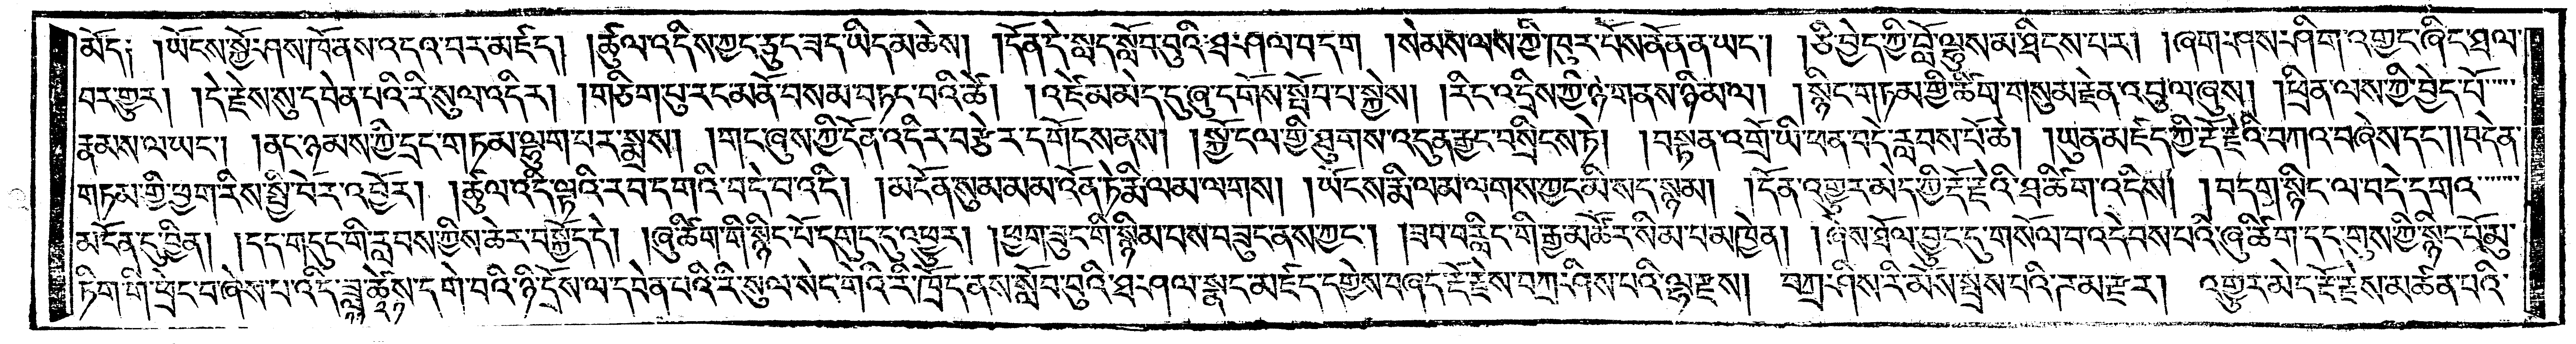མོད༑ །ཡོངས་སྐྱོ་ཤས་ཁོ་ནས་འདའ་བར་མཛད། །ཚུལ་འདིས་ཀྱང་ཅུང་ཟད་ཡིད་མ་ཆེས། །དོན་དེ་སླད་སློབ་བུའི་ཐ་ཤལ་བདག །སེམས་ལས་ཀྱི་ཁུར་པོས་ནོན་ན་ཡང་། །ཅི་བྱེད་ཀྱི་བློ་ལྷུས་མ་ཐིངས་པར། །ཞག་ཤས་ཤིག་འགྱང་ཞིང་ཐལ་
བར་གྱུར། །དེ་རྗེས་སུ་དབེན་པའི་རི་སུལ་འདིར། །གཅིག་པུ་རང་མནོ་བསམ་བཏང་བའི་ཚེ། །འཛེམ་མེད་དུ་ཞུ་དགོས་སྤོབ་པ་སྐྱེས། །རིང་འདྲིས་ཀྱི་ཉེ་གནས་ཉི་མ་ལ། །སྙིང་གཏམ་གྱི་ཚིག་གསུམ་རྗེན་འབུལ་ཞུས། །ཕྲིན་ལས་ཀྱི་བྱེད་པོ་
རྣམས་ལ་ཡང་། །ནང་ཉམས་ཀྱི་དྲང་གཏམ་ལྷུག་པར་སྨྲས། །གང་ཞུས་ཀྱི་དོན་འདིར་བརྩེར་དགོངས་ནས། །སྐྱོ་ངལ་གྱི་ཐུགས་འདུན་རྒྱང་བསྲིངས་ཏེ། །བསྟན་འགྲོ་ཡི་ཕན་བདེ་རླབས་པོ་ཆེ། །ཡུན་མཛད་ཀྱི་རྡོ་རྗེའི་བཀའ་བཞེས་དང་། །བདེན་
གཏམ་གྱི་ཕྱག་རིས་སྤྱི་བོར་འབྱོར། །ཚུལ་འདི་ལྟའི་རབ་དགའི་བདེ་བ་འདི། །མངོན་སུམ་མམ་འོན་ཏེ་རྨི་ལམ་ལགས། །ཡོངས་རྨི་ལམ་ལགས་ཀྱང་མི་སད་སྙམ། །དོན་འགྱུར་མེད་ཀྱི་རྡོ་རྗེའི་ཐ་ཚིག་འདིས། །བདག་སྙིང་ལ་བདེ་དགའ་
མངོན་དུ་བྱིན། །དད་གདུང་གི་རླབས་ཀྱིས་ཆེར་བསྐྱོད་དེ། །ཞུ་ཚིག་གི་སྙིང་པོ་དགུང་དུ་འཕྱུར། །ཕྱག་ཟུང་གི་སྙིམ་པས་བཟུང་ནས་ཀྱང་། །ཟབ་བརླིང་གི་རྒྱ་མཚོར་སིམ་པ་མཁྱེན། །ཞེས་ཐོལ་བྱུང་དུ་གསོལ་བ་འདེབས་པའི་ཞུ་ཚིག་དད་གུས་ཀྱི་སྙིང་པོ་མུ་
ཏིག་གི་ཕྲེང་བ་ཞེས་པ་འདི་ཟླ༡༡་ཚེས༢༡་དགེ་བའི་ཉི་དྲོས་ལ་དབེན་པའི་རི་སུལ་སེང་གེའི་རི་ཁྲོད་ནས་སློབ་བུའི་ཐ་ཤལ་སྣང་མཛད་དགྱེས་བཞད་རྡོ་རྗེས་བཀྲ་ཤིས་པའི་ལྷ་རྫས། བཀྲ་ཤིས་རི་མོས་སྤྲས་པའི་ཌམ་རྫར། འགྱུར་མེད་རྡོ་རྗེས་མཚན་པའི་